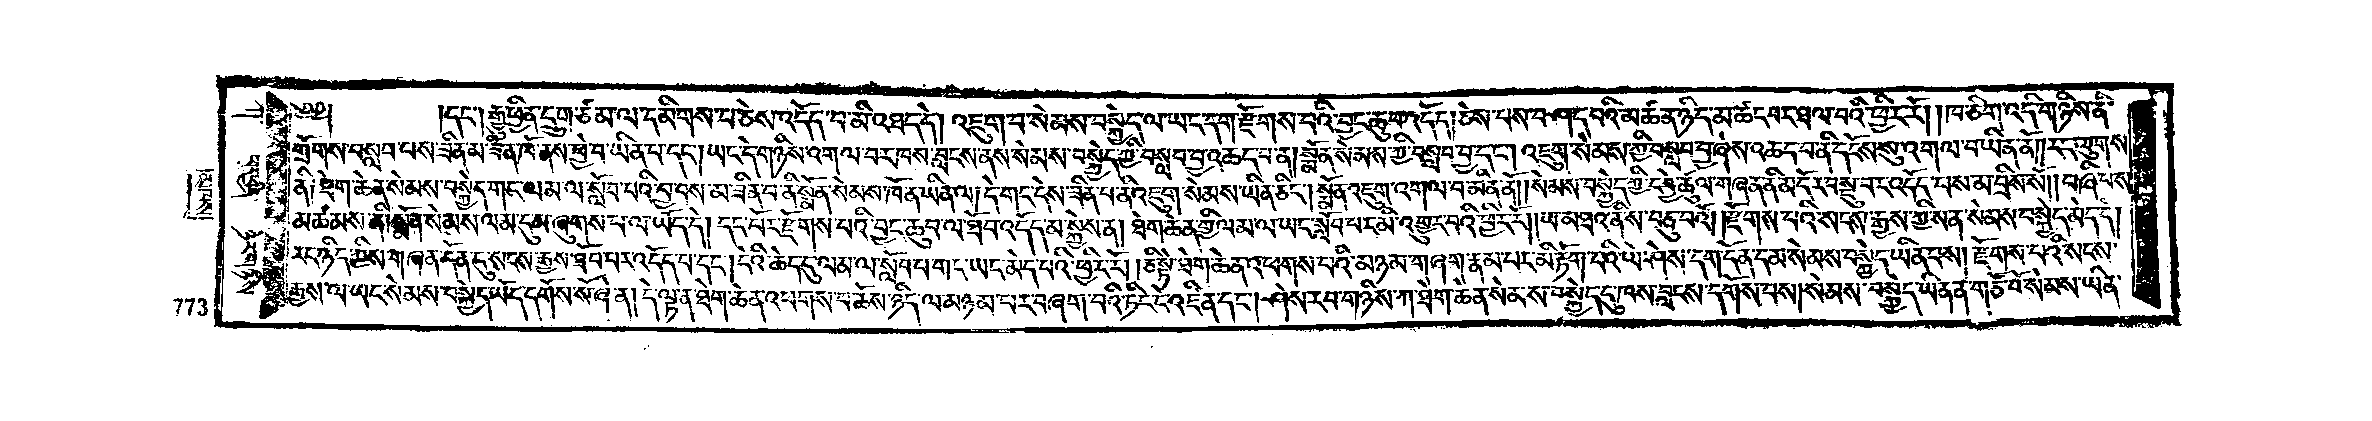༄༅། །དང་། རྒྱུ་ཕྱིན་དྲུག་ཙམ་ལ་དམིགས་པ་ཅེས་འདོད་པ་མི་འཐད་དེ། འཇུག་པ་སེམས་བསྐྱེད་ལ་ཡང་དག་རྫོགས་པའི་བྱང་ཆུབ་འདོད། ཅེས་པས་བཤད་པའི་མཚན་ཉིད་མ་ཚང་བར་ཐལ་བའི་ཕྱིར་རོ། །ཁ་ཅིག་འདི་གཉིས་ནི་
གྲོགས་བསླབ་པས་ཟིན་མ་ཟིན་ཁོ་ནས་ཕྱེ་བ་ཡིན་པ་དང་། ཡང་དེ་གཉིས་འགལ་བར་ཁས་བླངས་ནས་སེམས་བསྐྱེད་ཀྱི་བསླབ་བྱ་འཆད་པ་ན། སྨོན་སེམས་ཀྱི་བསླབ་བྱ་དང་། འཇུག་སེམས་ཀྱི་བསླབ་བྱ་ཞེས་འཆད་པ་ནི་དངོས་སུ་འགལ་བ་ཡིན་ནོ། །རང་ལུགས་
ནི། ཐེག་ཆེན་སེམས་བསྐྱེད་གང་ལམ་ལ་སློབ་པའི་བྱ་བས་མ་ཟིན་པ་ནི་སྨོན་སེམས་ཁོ་ན་ཡིན་ལ། དེ་གང་དེས་ཟིན་པ་ནི་འཇུག་སེམས་ཡིན་ཅིང་། སྨོན་འཇུག་འགལ་བ་མིན་ནོ། །སེམས་བསྐྱེད་ཀྱི་དབྱེ་ཚུལ་གཞན་ནི་མདོར་བསྡུ་བར་འདོད་པས་མ་བྲིས་སོ། །བཞི་པས་
མཚམས་ནི། སྨོན་སེམས་ལམ་དུ་མ་ཞུགས་པ་ལ་ཡོད་དེ། དང་པོར་རྫོགས་པའི་བྱང་ཆུབ་ལ་ཐོབ་འདོད་མ་སྐྱེས་ན། ཐེག་ཆེན་གྱི་ལམ་ལ་ཡང་སློབ་པར་མི་འགྱུར་བའི་ཕྱིར་རོ། །ཡ་མཐའ་ནི་ས་བཅུ་བའོ། །རྫོགས་པའི་སངས་རྒྱས་ཀྱི་ས་ན་སེམས་བསྐྱེད་མེད་དེ།
རང་ཉིད་ཀྱིས་གཞན་དོན་དུ་སངས་རྒྱས་ཐོབ་པར་འདོད་པ་དང་། དེའི་ཆེད་དུ་ལམ་ལ་སློབ་པ་གང་ཡང་མེད་པའི་ཕྱིར་རོ། །ཅི་སྟེ་ཐེག་ཆེན་འཕགས་པའི་མཉམ་གཞག་རྣམ་པར་མི་རྟོག་པའི་ཡེ་ཤེས་དག་དོན་དམ་སེམས་བསྐྱེད་ཡིན་པས། རྫོགས་པའི་སངས་
རྒྱས་ལ་ཡང་སེམས་བསྐྱེད་ཡོད་དགོས་སོ་ཞེ་ན། དེ་ལྟ་ན་ཐེག་ཆེན་འཕགས་པ་ཆོས་ཉིད་ལ་མཉམ་པར་བཞག་པའི་ཏིང་ངེ་འཛིན་དང་། ཤེས་རབ་གཉིས་ཀ་ཐེག་ཆེན་སེམས་བསྐྱེད་དུ་ཁས་བླངས་དགོས་པས། སེམས་བསྐྱེད་ཡིན་ན་གཙོ་བོ་སེམས་ཡིན་